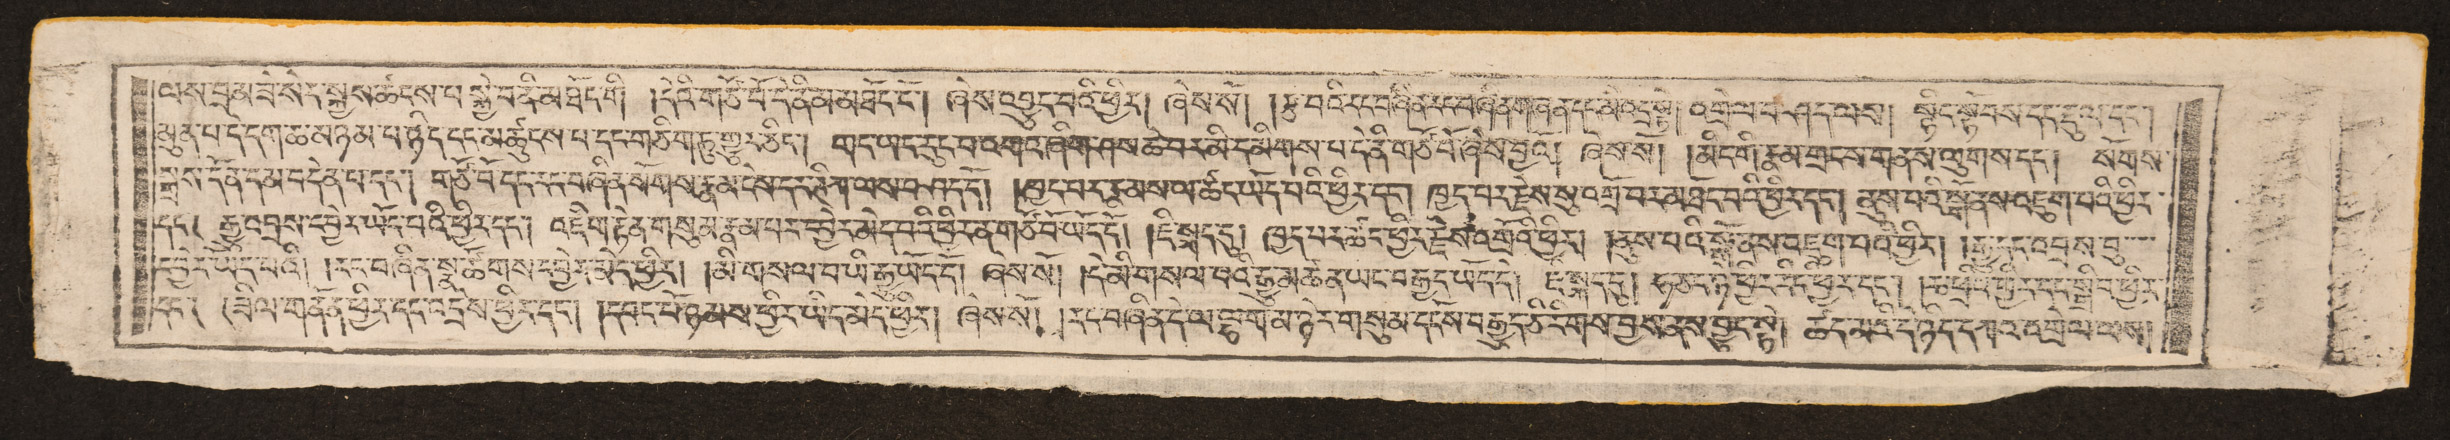ལས་བྲམ་ཟེ་སེར་སྐྱས་ཚངས་པ་སྐྱེ་བ་ནི་མཐོང་གི །དེའི་གཙོ་བོ་དེ་ནི་མ་མཐོང་ངོ། ཞེས་འབྱུང་བའི་ཕྱིར། ཞེས་སོ། །རྩ་བའི་རང་བཞིན་རང་བཞིན་གཞན་དང་མི་འདྲ་སྟེ། འགྲེལ་བཤད་ལས། སྙིང་སྟོབས་དང་རྡུལ་དང་།
མུན་པ་དེ་དག་ཆ་མཉམ་པ་ཉིད་དང་མཚུངས་པ་དང་གཅིག་ཏུ་གྱུར་ཅིང་། གང་ཡང་རུང་བ་འགའ་ཞིག་ཤས་ཆེ་བར་མི་དམིགས་པ་དེ་ནི་གཙོ་བོ་ཞེས་བྱའོ། ཞེས་སོ། །མིང་གི་རྣམ་གྲངས་གནས་ལུགས་དང་། སོགས་
སྒྲས་དོན་དམ་བདེན་པ་དང་། གཙོ་བོ་དང་རང་བཞིན་སོགས་རྣམ་ངེས་དར་ཊི་ཀ་ལས་བཤད་དོ། །ཁྱད་པར་རྣམས་ལ་ཚད་ཡོད་པའི་ཕྱིར་དང་། ཁྱད་པར་རྗེས་སུ་འགྲོ་བར་མཐོང་བའི་ཕྱིར་དང་། ནུས་པའི་སྒོ་ནས་འཇུག་པའི་ཕྱིར་
དང་། རྒྱུ་འབྲས་དབྱེར་ཡོད་པའི་ཕྱིར་དང་། འཇིག་རྟེན་གསུམ་རྣམ་པར་དབྱེར་མེད་པའི་ཕྱིར་ན་གཙོ་བོ་ཡོད་དོ། །ཇི་སྐད་དུ། ཁྱད་པར་ཚད་ཕྱིར་རྗེས་འགྲོའི་ཕྱིར། །ནུས་པའི་སྒོ་ནས་འཇུག་པའི་ཕྱིར། །རྒྱུ་དང་འབྲས་བུ་
དབྱེར་ཡོད་པའི། །རང་བཞིན་སྣ་ཚོགས་དབྱེར་མེད་ཕྱིར། །མི་གསལ་བ་ཡི་རྒྱུ་ཡོད་དོ། ཞེས་སོ། །དེ་མི་གསལ་བའི་རྒྱུ་མཚན་ཡང་བརྒྱད་ཡོད་དེ། ཇི་སྐད་དུ། ཧ་ཅང་ཉེ་ཕྱིར་རིང་ཕྱིར་དང་། །ཆ་ཕྲའི་ཕྱིར་དང་སྒྲིབ་ཕྱིར་
དང༑ ༑ཐིལ་གནོན་ཕྱིར་དང་འདྲེས་ཕྱིར་དང་། །དབང་བོ་ཉམས་ཕྱིར་ཡིད་མེད་ཕྱིར། ཞེས་སོ། །རང་བཞིན་དེ་ལ་ལྷག་མ་ཉེར་གསུམ་དངོས་བརྒྱུད་ཅི་རིགས་བྱས་ནས་བྱུང་སྟེ། ཚད་མའི་དེ་ཉིད་དཀའ་འགྲེལ་ལས།